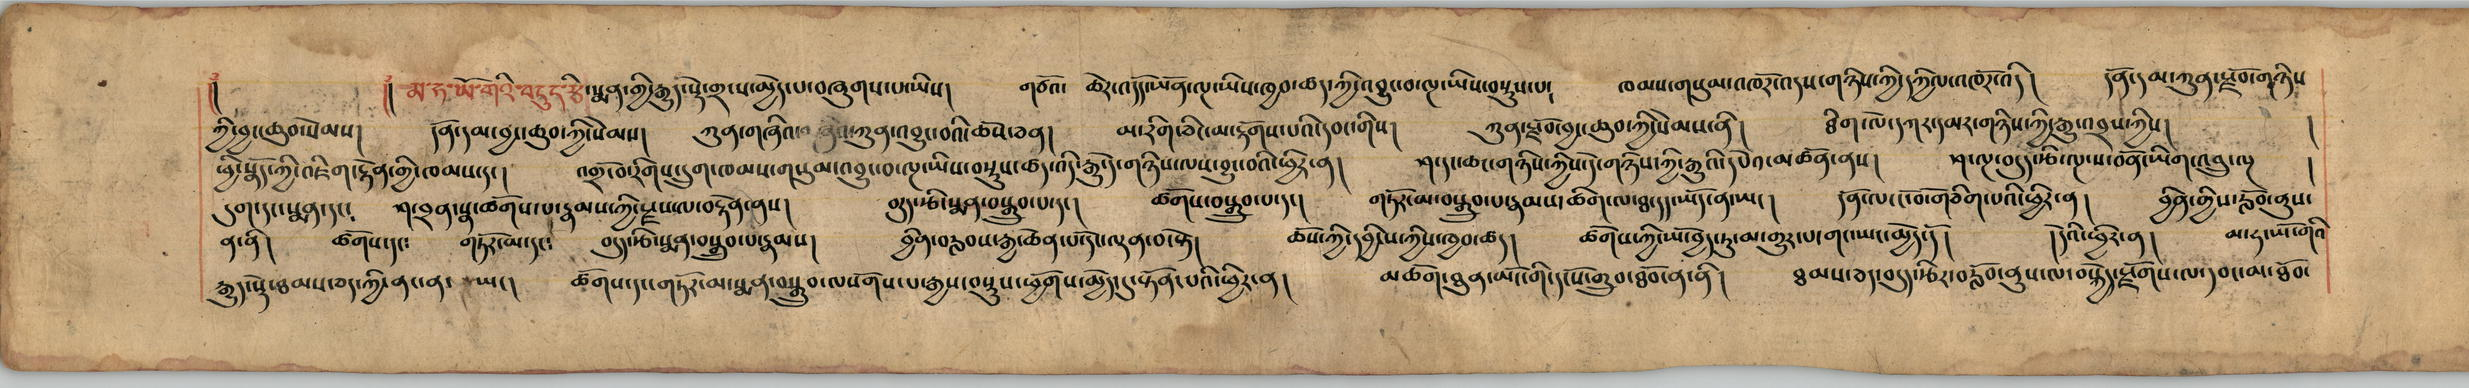།། མ་ཧ་ཡོ་གའི་བདུད་རྩི་སྨན་གྱི་རྒྱུད་སྡེ་གྲངས་མྱེད་པ་བཞུགས་པ་ཡིས། གཙོའ་ ཆེར་འདོད་ཡོན་ལྔ་ཡིས་ཁྱབ་ཚད་ཀྱི་འབྱུང་བ་ལྔ་ཡོས་བསྡུས་པ༴ ཁམས་གསུམ་འཁོར་འདས་གཉིས་ཀྱི་དཀྱིལ་འཁོར་འདི། དོན་དམ་ཀུན་རྫོབ་གཉིས
ཀྱི་བྱང་ཆུབ་སེམས། དོན་དམ་བྱང་ཆུབ་ཀྱི་སེམས། ཀུན་གཞིའ་ ཀུན་འབྱུང་བའི་ཆོས་ཅན། མ་རིག་ཅིང་མ་རྟོགས་པའི་དབང་གིས། ཀུན་སྫོབ་བྱང་ཆུབ་ཀྱི་སེམས་ནི། ཐིག་ལེ་དཀར་དམར་གཉིས་ཀྱི་རྒྱུ་འབྲས་ཀྱིས།
ཕྱི་སྣོད་ཀྱི་འཇིག་རྟེན་གྱི་ཁམས་དང། འགྲོ་བ་རིགས་དྲུག་ཁམས་གསུམ་འབྱུང་བ་ལྔ་ཡིས་བསྡུས་ཚད་འདི་རྒྱུ་དེ་གཉིས་ལས་བྱུང་བའི་ཕྱིར་ན། ཤ་དང་ཆང་གཉིས་ཀྱིས་དེ་གཉིས་ཀྱི་རྒྱུའི་དཔེའ་མཚོན་ནས། ཤ་ལྔ་བདུད་རྩི་ལྔ་ས་བོན་ཡིག་འབྲུ་ལྔ
དུག་དང་སྨན་དང༴ ཤ་བྲབ་སྣ་ཚོགས་པ་རྣམས་ཀྱི་སྫས་ལ་བརྟེན་ནས། བདུད་རྩི་སྨན་བསྒྲུབ་པ་དང། ཚོགས་བསྒྲུབ་པ་དང། གཏོར་མ་བསྒྲུབ་པ་རྣམས་ཚིག་ལ་ཐ་དད་ཡོད་ན་ཡང། དོན་ལ་ངོ་བོ་གཅིག་པའི་ཕྱིར་ན། བྱིན་གྱིས་རློབ་ནུས་
ན་ནི། ཚོགས་དང༴ གཏོར་མ་དང༴ བདུད་རྩི་སྨན་བསྒྲུབ་པ་རྣམས། བྱིན་བརླབས་རྒྱ་ཆེན་པོ་དང་ལྡན་བ་སྟེ། ཆོས་ཀྱི་དབྱིངས་ཀྱིས་ཁྱབ་ཚད། ཚོགས་ཀྱི་ཡོ་བྱད་ཏུ་མ་གྱུར་པ་གང་ཡང་མྱེད་དོ། །དེའི་ཕྱིར་ན། མ་ཧ་ཡོ་གའི
རྒྱུད་སྡེ་ཐམས་ཅད་ཀྱི་ནང་ན་ ཡང། ཚོགས་དང་གཏོར་མ་སྨན་བསྒྲུབ་ལསོགས་པ་རྒྱས་བསྡུས་ཕྱོགས་མྱེད་དུ་སྟོན་པའི་ཕྱིར་ན། མཆོག་མཐཱུན་མོང་གི་དངོས་གྲུབ་ཐོབ་ན་ནི། ཐམས་ཅད་དུ་བདུས་རྩིར་བརློབ་ནུས་ལ་བསྐྱེད་སྫོགས་ལ་དབང་མ་ཐོབ་